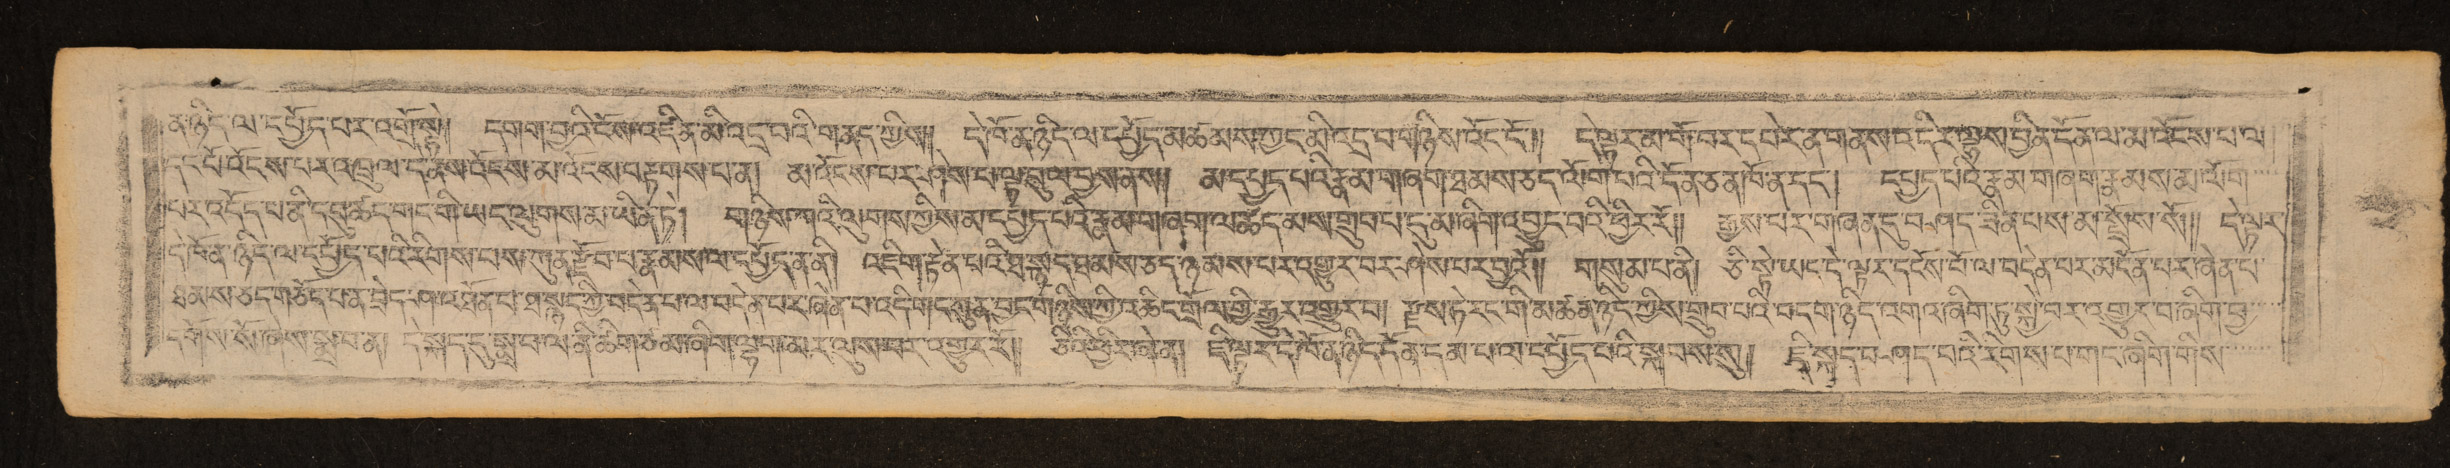ན་ཉིད་ལ་དཔྱོད་པར་འགྲོ་སྟེ། དགག་བྱའི་ངོས་འཛིན་མི་འདྲ་བའི་གནད་ཀྱིས། དེ་ཁོ་ན་ཉིད་ལ་དཔྱོད་མཚམས་ཀྱང་མི་འདྲ་བ་གཉིས་འོང་ངོ།། དེ་ལྟར་མ་གོ་བར་དཔེར་ན་གནས་འདིར་ལྷས་བྱིན་དོན་ལ་མ་འོངས་པ་ལ།
དང་པོ་འོངས་པར་འཁྲུལ་དེ་ནས་འོངས་མ་འོངས་བརྟགས་པ་ན། མ་འོངས་པར་ཤེས་པ་ལྟ་བུ་ལ་བྱས་ནས། མ་དཔྱད་པའི་རྣམ་གཞག་ཐམས་ཅད་ལོག་པའི་དོན་ཅན་ཁོ་ན་དང་། དཔྱད་པའི་རྣམ་གཞག་རྣམས་མ་ལོག་
པར་འདོད་པ་ནི་དབུ་ཚད་གང་གི་ཡང་ལུགས་མ་ཡིན་ཏེ། གཉིས་ཀའི་ལུགས་ཀྱིས་མ་དཔྱད་པའི་རྣམ་གཞག་ལ་ཚད་མས་གྲུབ་པ་དུ་མ་ཞིག་འབྱུང་བའི་ཕྱིར་རོ།། རྒྱས་པར་གཞན་དུ་བཤད་ཟིན་པས་མ་སྤྲོས་སོ།། དེ་ལྟར་
དེ་ཁོ་ན་ཉིད་ལ་དཔྱོད་པའི་རིགས་པས་ཀུན་རྫོབ་པ་རྣམས་ལ་དཔྱོད་ན་ནི། འཇིག་རྟེན་པའི་ཐ་སྙད་ཐམས་ཅད་ཉམས་པར་འགྱུར་བར་ཤེས་པར་བྱའོ།། གསུམ་པ་ནི། ཅི་སྟེ་ཡང་དེ་ལྟར་དངོས་པོ་ལ་བདེན་པར་མངོན་པར་ཞེན་པ་
ཐམས་ཅད་གཅོད་པ་ན་བྲེད་ཤ་འཐོན་པ་ཐ་སྙད་ཀྱི་བདེན་པ་ལ་བདེན་པར་ཞེན་པ་འདི་གང་ཀུན་བྱང་གཉིས་ཀྱི་འཆིང་གྲོལ་གྱི་རྒྱུར་འགྱུར་བ། རྫས་ཏེ་རང་གི་མཚན་ཉིད་ཀྱིས་གྲུབ་པའི་བདག་ཉིད་འགའ་ཞིག་ཏུ་སྐྱེ་བར་འགྱུར་བ་ཞིག་བྱ་
དགོས་སོ་ཞེས་སྨྲ་ན། དེ་སྐད་དུ་སྨྲ་བ་ལ་ནི་ཚིག་ཙམ་ཞིག་ལྷག་མར་ལུས་པར་འགྱུར་རོ།། ཅིའི་ཕྱིར་ཞེ་ན། ཇི་ལྟར་དེ་ཁོ་ན་ཉིད་དོན་དམ་པ་ལ་དཔྱོད་པའི་སྐབས་སུ། ཇི་སྐད་བཤད་པའི་རིགས་པ་གང་ཞིག་གིས་